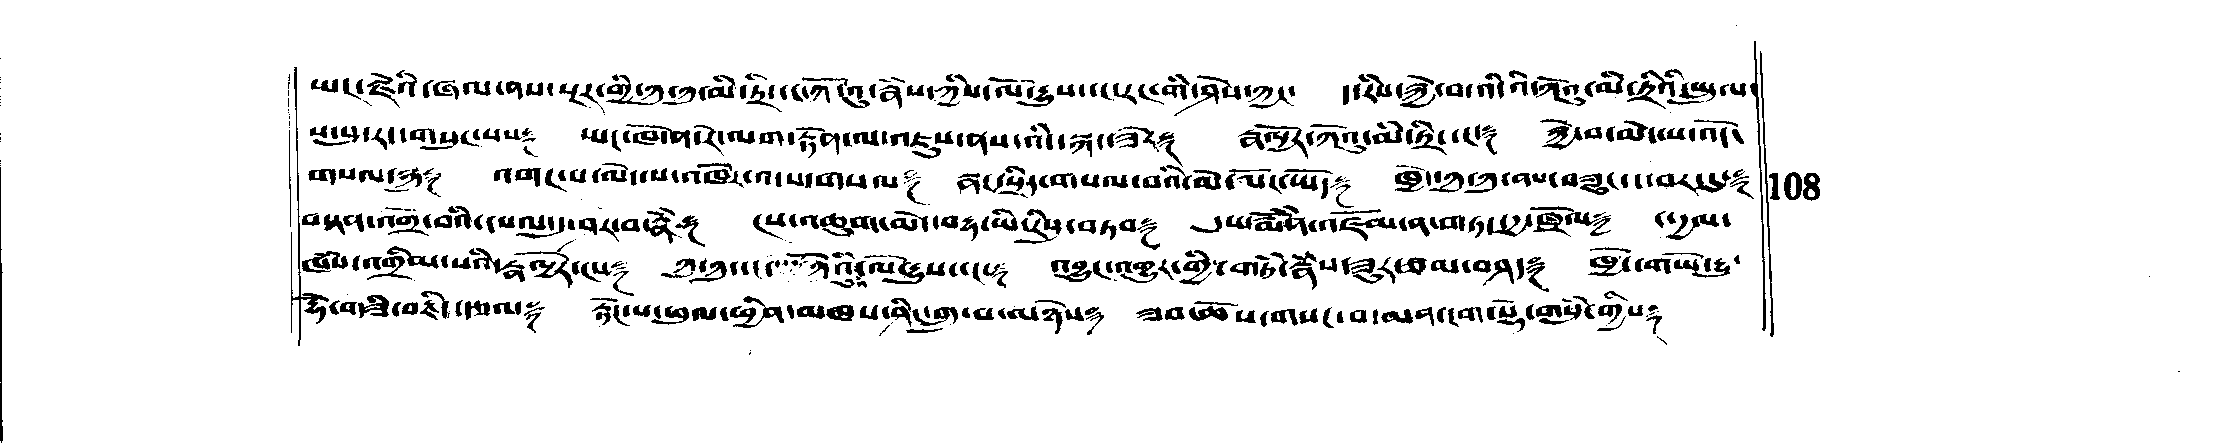ཡང་རྗེའི་ཞལ་ནས་སྔར་གྱི་ཀུ་ཀུ་མི་ཏྲི་དང་ཀོའུ་རྣམས་ཀྱིས་ལོ་རྒྱུས་དང་༼ང་?༽རང་གིས་ཤེས་ཀྱང་། ད་རིས་སྐྱེ་བ་འདིའི་ཀོའུ་མི་ཏྲིའི་སྤྲུལ་
པ་སུ་རེད་གསུང་པས། ཡང་ཁོ་ན་རེ་ལག་རྟེན་ལ་འཇུས་ནས་འདི་སྐད་ཟེར། རྣལ་འབྱོར་ཀོའུ་མི་ཏྲི་དང་། །སྐྱེ་བ་མེད་པ་འོད་
གསལ་སྐུ། །འགགས་པ་མེད་པ་འཁོར་འདས་གསལ། །སྣང་སྲིད་གསལ་བའི་མེ་ལོང་ཡོད། ཁྱེད་ཀུ་ཀུ་ནས་བཟུང་ད་བར་དུ། །
བསྟན་འགྲོ་བའི་དཔལ་དུ་ཤར་བ་རྣམས། །ངས་འཆུག་མེད་བརྡ་ཡི་རིས་སུ་བཏབ། །དུས་སྨོན་ལམ་འཛོམ་ན་གཏད་རྒྱ་ཁྲོལ། །ང་རྒྱལ་
ཁམས་འགྲིམ་པའི་རྣལ་འབྱོར་ངས། །ཀུ་ཀུ་དང་ཀོའུའི་ལོ་རྒྱུས་དང་། །འབྱུང་འགྱུར་གྱི་གཏམ་རྣམས་ཟུར་ཙམ་བཤད། །ཁྱོད་གཡོ་རྒྱུ་
རྡོ་རྗེ་གཟི་བརྗིད་རྩལ། །རྟོགས་པ་ཕུལ་ཕྱིན་མཁས་ཤིང་གྲུབ་པ་བརྙེས། །ཟབ་ཆོས་གསང་བ་མན་ངག་སྡེ་གསུམ་གྱིས།